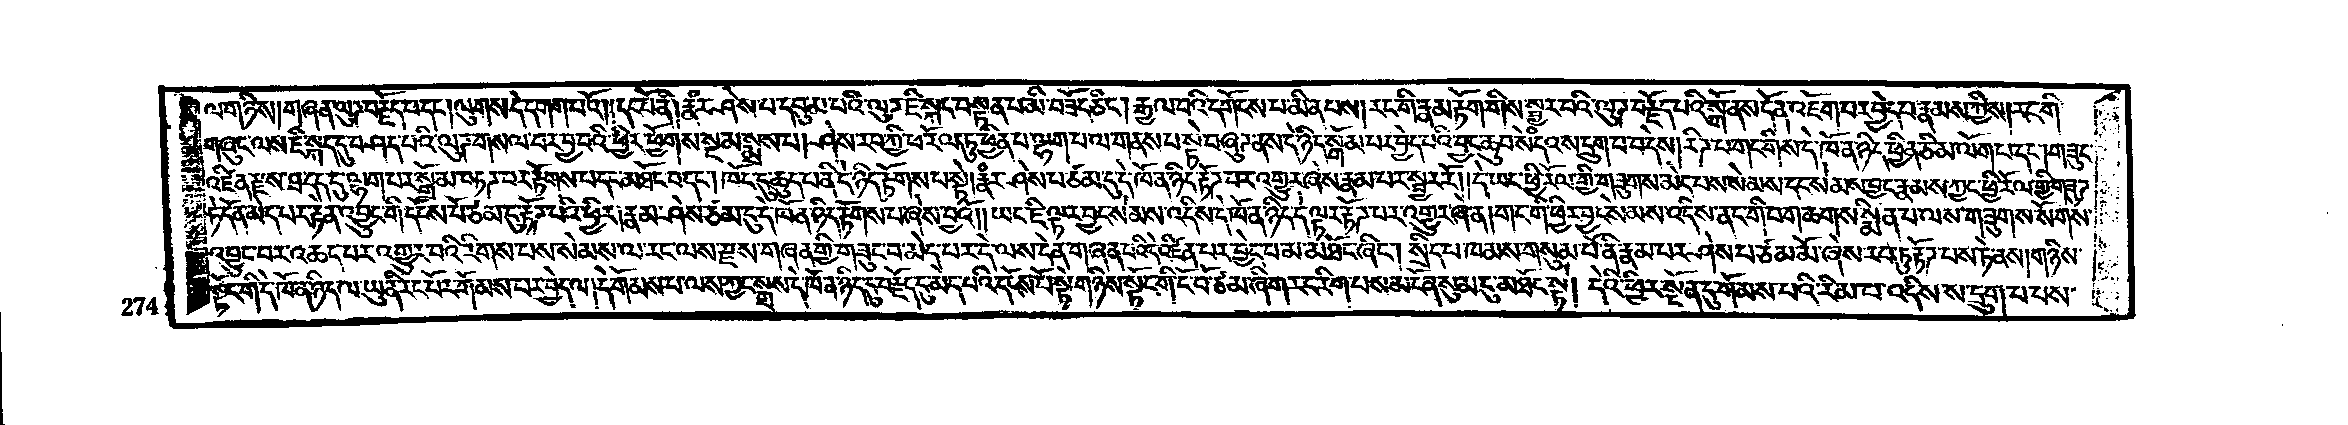ལ་གཉིས། གཞན་ལུགས་བརྗོད་པ་དང་། ལུགས་དེ་དགག་པའོ། །དང་པོ་ནི། རྣམ་པར་ཤེས་པ་དབུ་མ་པའི་ལུགས་ཇི་སྐད་བསྟན་པ་མི་བཟོད་ཅིང་། རྒྱལ་བའི་དགོངས་པ་མིན་པས། རང་གི་རྣམ་རྟོག་གིས་སྦྱར་བའི་ལུགས་བརྗོད་པའི་སྒོ་ནས་དོན་འཇོག་པར་བྱེད་པ་རྣམས་ཀྱིས། ངང་གི་
གཞུང་ལས་ཇི་སྐད་དུ་བཤད་པའི་ལུགས་གསལ་བར་བྱ་བའི་ཕྱིར་ཕྱོགས་སྔ་མ་སྨྲས་པ། ཤེས་རབ་ཀྱི་ཕ་རོལ་ཏུ་ཕྱིན་པ་ལྷག་པ་ལ་གནས་པ་སྟེ་བཞུགས་ནས་དེ་ཉིད་སྒོམ་པར་བྱེད་པའི་བྱང་ཆུབ་སེམས་དཔའ་ས་དྲུག་པ་བ་དེས། རིགས་པ་གང་གིས་དེ་ཁོ་ན་ཉིད་ཕྱིན་ཅི་མ་ལོག་པ་དང་། གཟུང་
འཛིན་རྫས་ཐ་དད་དུ་ལྷག་པར་སྒྲོ་མ་བཏགས་པར་རྟོགས་པ་དང་མཐོང་བ་དང་། ཁོང་དུ་ཆུད་པ་ནི་དེ་ཉིད་རྟོགས་པ་སྟེ། རྣམ་པར་ཤེས་པ་ཙམ་དུ་དེ་ཁོ་ན་ཉིད་རྟོགས་པར་འགྱུར་ཞེས་རྣམ་པར་སྦྱར་རོ། །དེ་ཡང་ཕྱི་རོལ་གྱི་གཟུགས་མེད་པས་སེམས་དང་སེམས་བྱུང་རྣམས་ཀྱང་ཕྱི་རོལ་གྱི་གཟུགས་
ཏེ་དོན་མེད་པར་རྟེན་འབྱུང་གི་དངོས་པོ་ཙམ་དུ་རྟོགས་པའི་ཕྱིར། རྣམ་ཤེས་ཙམ་དུ་དེ་ཁོ་ན་ཉིད་རྟོགས་པ་ཞེས་བྱའོ། །ཡང་ཇི་ལྟར་བྱང་སེམས་འདིས་དེ་ཁོ་ན་ཉིད་དེ་ལྟར་རྟོགས་པར་འགྱུར་ཞེ་ན། གང་གི་ཕྱིར་བྱང་སེམས་འདིས་ནང་གི་བག་ཆགས་སྨིན་པ་ལས་གཟུགས་སོགས་
འབྱུང་བར་འཆད་པར་འགྱུར་བའི་རིགས་པས་སེམས་ལ་རང་ལས་རྫས་གཞན་གྱི་གཟུང་བ་མེད་པར་དེ་ལས་དོན་གཞན་པའི་དེ་འཛིན་པར་བྱེད་པ་མ་མཐོང་ཞིང་། སྲིད་པ་ཁམས་གསུམ་པོ་ནི་རྣམ་པར་ཤེས་པ་ཙམ་མོ་ཞེས་རབ་ཏུ་རྟོགས་པས་ཏེ་ནས། གཉིས་
སྟོང་གི་དེ་ཁོ་ན་ཉིད་ལ་ཡུན་རིང་པོར་གོམས་པར་བྱེད་ལ། དེ་གོམས་པ་ལས་ཀྱང་སྒྲས་དེ་ཁོ་ན་ཉིད་དུ་བརྗོད་དུ་མེད་པའི་དངོས་པོ་སྟེ་གཉིས་སྟོང་གི་ངོ་པོ་ཙམ་ཞིག་རང་རིག་པས་མངོན་སུམ་དུ་མཐོང་སྟེ། དེའི་ཕྱིར་སྔོན་དུ་གོམས་པའི་རིམ་པ་འདིས་ས་དྲུག་པ་པས་